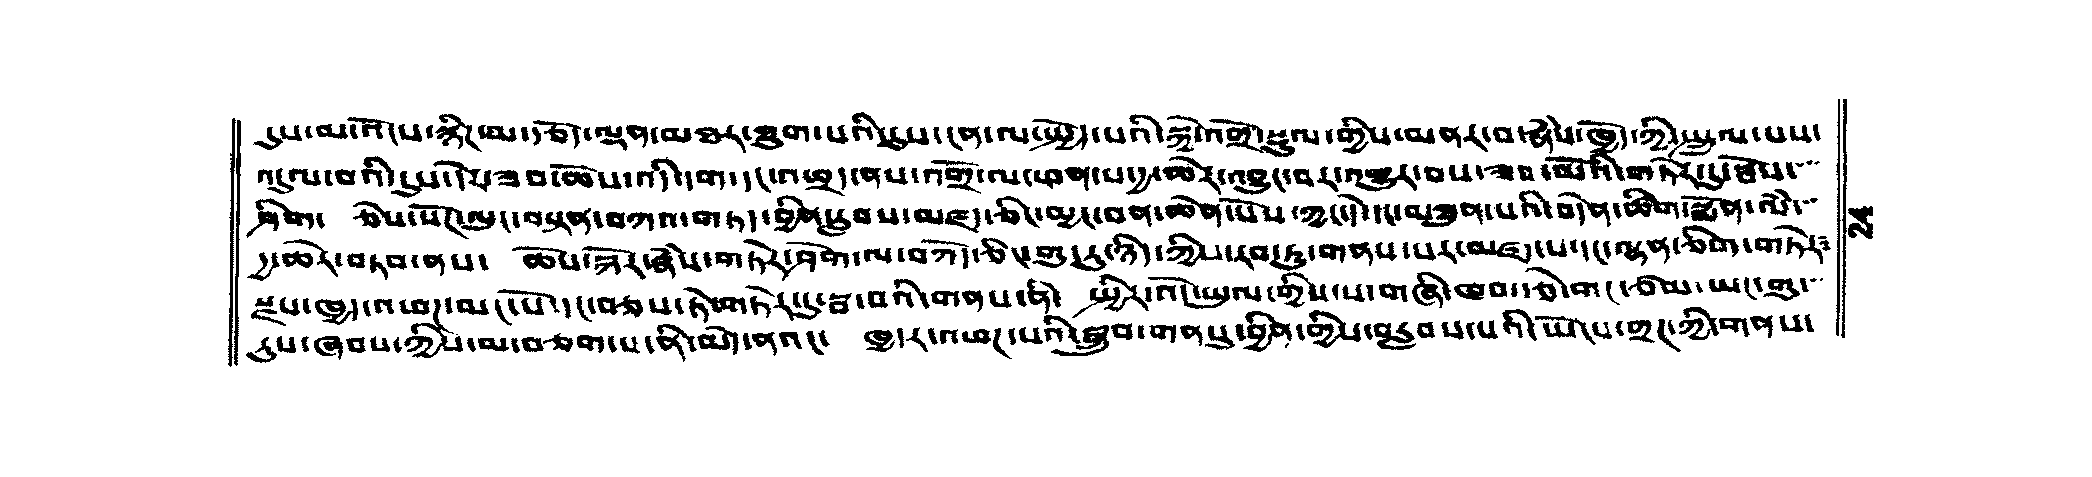དུས་མ་འོང་སྙིགས་མ་རྩོད་ལྡན་མཐར་ཐུག་པའི་དུས་ངན་ལ་སྤྱོད་པའི་སྐྱེ་འགྲོ་སྡུག་བསྔལ་གྱིས་མནར་བ་རྣམས་ཁྱོད་ཀྱི་སྤྲུལ་པས་
འདུལ་བའི་དུས་དེར་ཟབ་ཆོས་འདི་དག་དང་འཕྲད་ནས་འགྲོ་ལ་ཕན་པ་རྒྱ་ཆེར་འབྱུག་བར་འགྱུར་བས་ཟབ་མོའི་གཏེར་དུ་སྦོས་
ཤིག ཅེས་སོགས་ལུང་བསྟན་བཀའ་གཏད་བྱིན་རླབས་མཛད་ཅིང་མྱང་བན་ཆེན་པོས་ཀྱང་དེ་དང་མཐུན་པའི་བདེན་ཚིག་སྨོན་ལམ་
རྒྱ་ཆེར་བཏབ་ནས། ཆོས་སྐོར་རྣམས་གཏེར་ཤོག་ལ་བཀོད་ཅིང་གུ་རུ་ཉིད་ཀྱིས་རབ་ཏུ་གནས་པར་མཛད་པ་དང་ལྷན་ཅིག་གཏེར་
རྫས་ཁྱད་འཕགས་མང་པོ་དང་བཅས་ཏེ་གཏེར་དུ་སྦ་བའི་གནས་ནི། སྤྱིར་འོད་ཡུལ་གྱིས་ས་གཞི་ཁབ་རྩེ་གང་ཙམ་ཡང་གུ་
རུས་ཞབས་ཀྱིས་མ་བཅག་པ་ནི་མེད་ནའང་། ཁྱད་པར་འཕགས་པའི་སྒྲུབ་གནས་སུ་བྱིན་གྱིས་བརླབས་པའི་ཡོངས་གྲགས་ཀྱི་གནས་